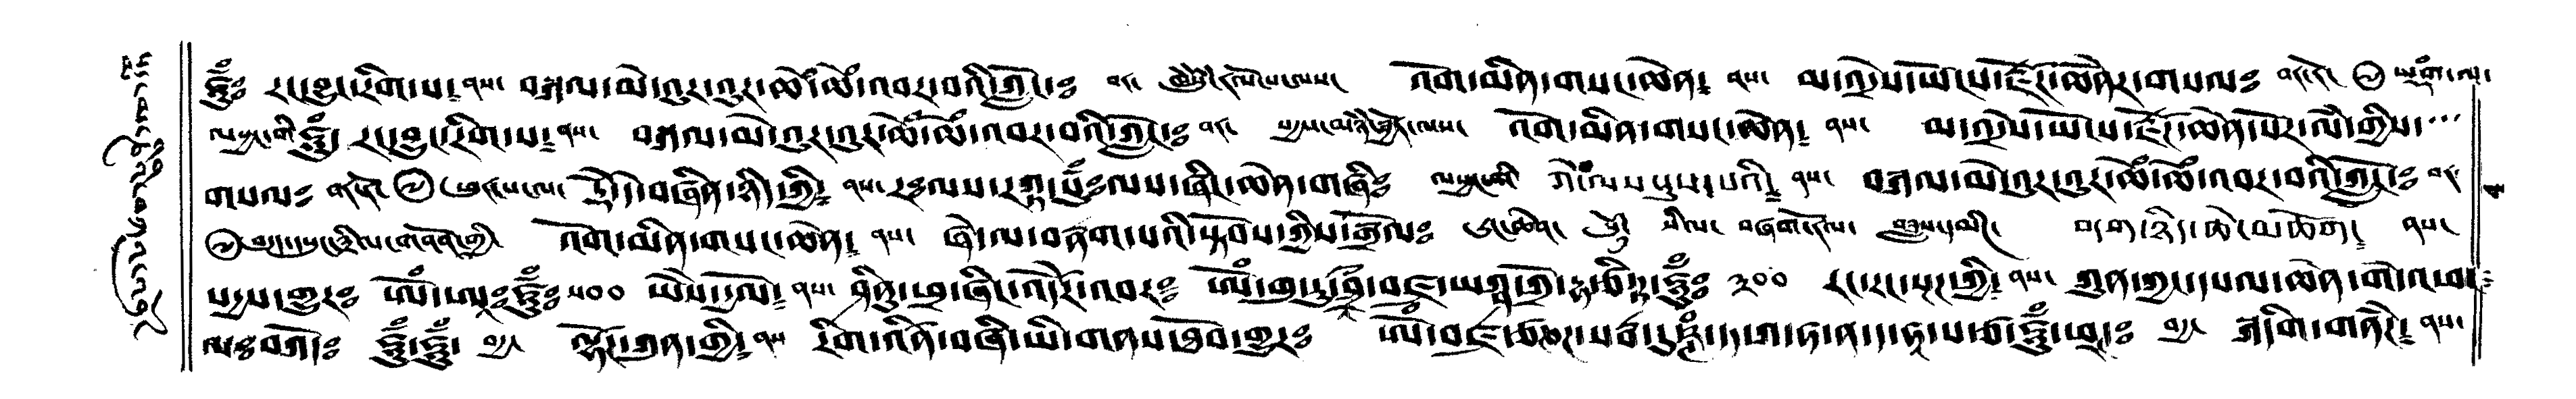ཧཱུྃཿ རང་བྱུང་རིག་པ༴ ནས། བསྐལ་མེ་འུར་འུར་ཆེམ་ཆེམ་འབར་བའི་ཀློངཿ བར། ཁམས་གསུམ་རོལ་པ་ལས། འོག་མིན་གསང་ཆེན༴ ནས། མ་འདྲེས་ཡོངས་རྫོགས་ཆེན་པོར་གསལཿ བར་རོ། ཡན་ལག་
ལས་བྱང་གི ཧཱུྃ། རང་བྱུང་རིག་པ༴ ནས། བསྐལ་མེ་འུར་འུར་ཆེམ་ཆེམ་འབར་བའི་ཀློང་༔ བར་སངས་རྒྱས་མཉམ་སྦྱོར་ལས། འོག་མིན་གསང་ཆེན༴ ནས། མ་འདྲེས་ཡོངས་རྫོགས་ཆེན་པོར་ལམ་གྱིས་
གསལཿ བར་རོ། ཕུར་པ་ལ། རྡོ་རྗེ་དེ་བཞིན་ཉིད་ཀྱི༴ ནས། རཿལས་རཀྟ་སུྃཿལས་ཞིང་ཆེན་གཞིཿ ལས་བྱང་གི ཀེཾ་ལས་རུས་པའི༴ ནས། བསྐལ་མེ་འུར་འུར་ཆེམ་ཆེམ་འབར་བའི་ཀློངཿ བར་
བདུད་དཔུང་ཟིལ་གནོན་གྱི། འོག་མིན་གསང་ཆེན༴ ནས། ཞེ་ལ་བརྣག་པའི་སྟོབས་ཀྱིས་སྒྲོལཿ དུང་ཆེན། སུམ་གཅིག ཟིལ། བཞག་རོལ། བཟླས་དམིགས། བདག་ཉིད་ཆེ་མཆོག༴ ནས། 
སངས་རྒྱས་གྱུརཿ ཨོཾ་ཨཱཿཧཱུྃཿ ཡེ་ཤེས་རྒྱལ་ལོ༴ ནས། ཤིན་ཏུ་ཕྲ་ཞིག་འོད་ཟེར་འབརཿ ཨོཾ་གུ་རུ་ཤྲཱྀ་བཛྲ་ཡཀྴ་ཀྲོ་དྷ་ཙིཏྟ་ཧཱུྃ༔ རང་རང་སྔགས་ཀྱི༴ ནས། ཀུན་ཀྱང་དཔལ་ཆེན་གོ་འཕང་
ལཿབཀོདཿ ཧཱུྃ་ཧཱུྃ། བརྒྱ། ལྷ་ཚོགས་ཀུན་གྱི༴ ནས། རིག་འཛིན་བཞི་ཡི་གནས་ཐོབ་གྱུརཿ ཨོཾ་བཛྲ་ཙཎྜ་སརྦ་དུཥྚན་ཏ་ཀ་ཧ་ན་ད་ཧཱ་པ་ཙ་ཧཱུྃ་ཕཊཿ བརྒྱ།སྐད་གཅིག་གནམ་ལྕགས༴ ནས།